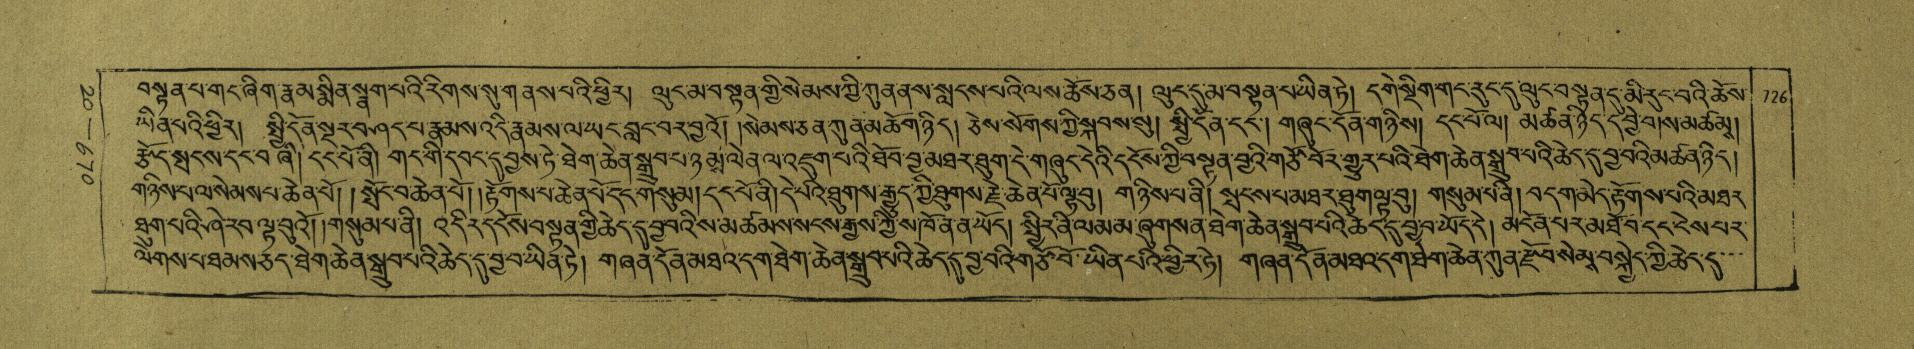བསྟན་པ་གང་ཞིག་རྣམ་སྨིན་སྣག་པའི་རིགས་སུ་གནས་པའི་ཕྱིར། ལུང་མ་བསྟན་གྱི་སེམས་ཀྱི་ཀུན་ནས་སླངས་པའི་ལས་ཆོས་ཅན། ལུང་དུ་མ་བསྟན་པ་ཡིན་ཏེ། དགེ་སྡིག་གང་རུང་དུ་ལུང་བསྟན་དུ་མི་རུང་བའི་ཆོས་
ཡིན་པའི་ཕྱིར། སྤྱི་དོན་སྔར་བཤད་པ་རྣམས་འདི་རྣམས་ལ་ཡང་བླང་བར་བྱའོ། །སེམས་ཅན་ཀུན་མཆོག་ཉིད། ཅེས་སོགས་ཀྱི་སྐབས་སུ། སྤྱི་དོན་དང་། གཞུང་དོན་གཉིས། དང་པོ་ལ། མཚན་ཉིད་དབྱེ་བ། ས་མཚམས་
རྩོད་སྤངས་དང་བཞི། དང་པོ་ནི་གང་གི་དབང་དུ་བྱས་ཏེ་ཏེ་ཐེག་ཆེན་སྒྲུབ་པ་ཉམས་ལེན་ལ་འཇུག་པའི་ཐོབ་བྱ་མཐར་ཐུག་དེ་གཞུང་དེའི་དངོས་ཀྱི་བསྟན་བྱའི་གཙོ་བོར་གྱུར་པའི་ཐེག་ཆེན་སྒྲུབ་པའི་ཆེད་དུ་བྱ་བའི་མཚན་ཉིད།
གཉིས་པ་ལ་སེམས་པ་ཆེན་པོ། །སྤོང་བ་ཆེན་པོ། །རྟོགས་པ་ཆེན་པོ་དང་གསུམ། དང་པོ་ནི། དེ་པའི་ཐུགས་རྒྱུད་ཀྱི་ཐུགས་རྗེ་ཆེན་པོ་ལྟ་བུ། གཉིས་པ་ནི། སྤངས་པ་མཐར་ཐུག་ལྟ་བུ། གསུམ་པ་ནི། བདག་མེད་རྟོགས་པའི་མཐར་
ཐུག་པའི་ཤེ་རབ་ལྟ་བུའོ། །གསུམ་པ་ནི། འདིར་དངོས་བསྟན་གྱི་ཆེད་དུ་བྱ་བའི་ས་མཚམས་སངས་རྒྱས་ཀྱི་ས་ཁོ་ན་ན་ཡོད། སྤྱིར་ནི་ལམ་མ་ཞུགས་ན་ཐེག་ཆེན་སྒྲུབ་པའི་ཆེད་དུ་བྱ་བ་ཡོད་དེ། མངོན་པར་མཐོ་བ་དང་ངེས་པར་
ལེགས་པ་ཐམས་ཅད་ཐེག་ཆེན་སྒྲུབ་པའི་ཆེད་དུ་བྱ་བ་ཡིན་ཏེ། གཞན་དོན་མཐའ་དག་ཐེག་ཆེན་སྒྲུབ་པའི་ཆེད་དུ་བྱ་བའི་གཙོ་བོ་ཡིན་པའི་ཕྱིར་ཏེ། གཞན་དོན་མཐའ་དག་ཐེག་ཆེན་ཀུན་རྫོབ་སེམས་བསྐྱེད་ཀྱི་ཆེད་དུ་